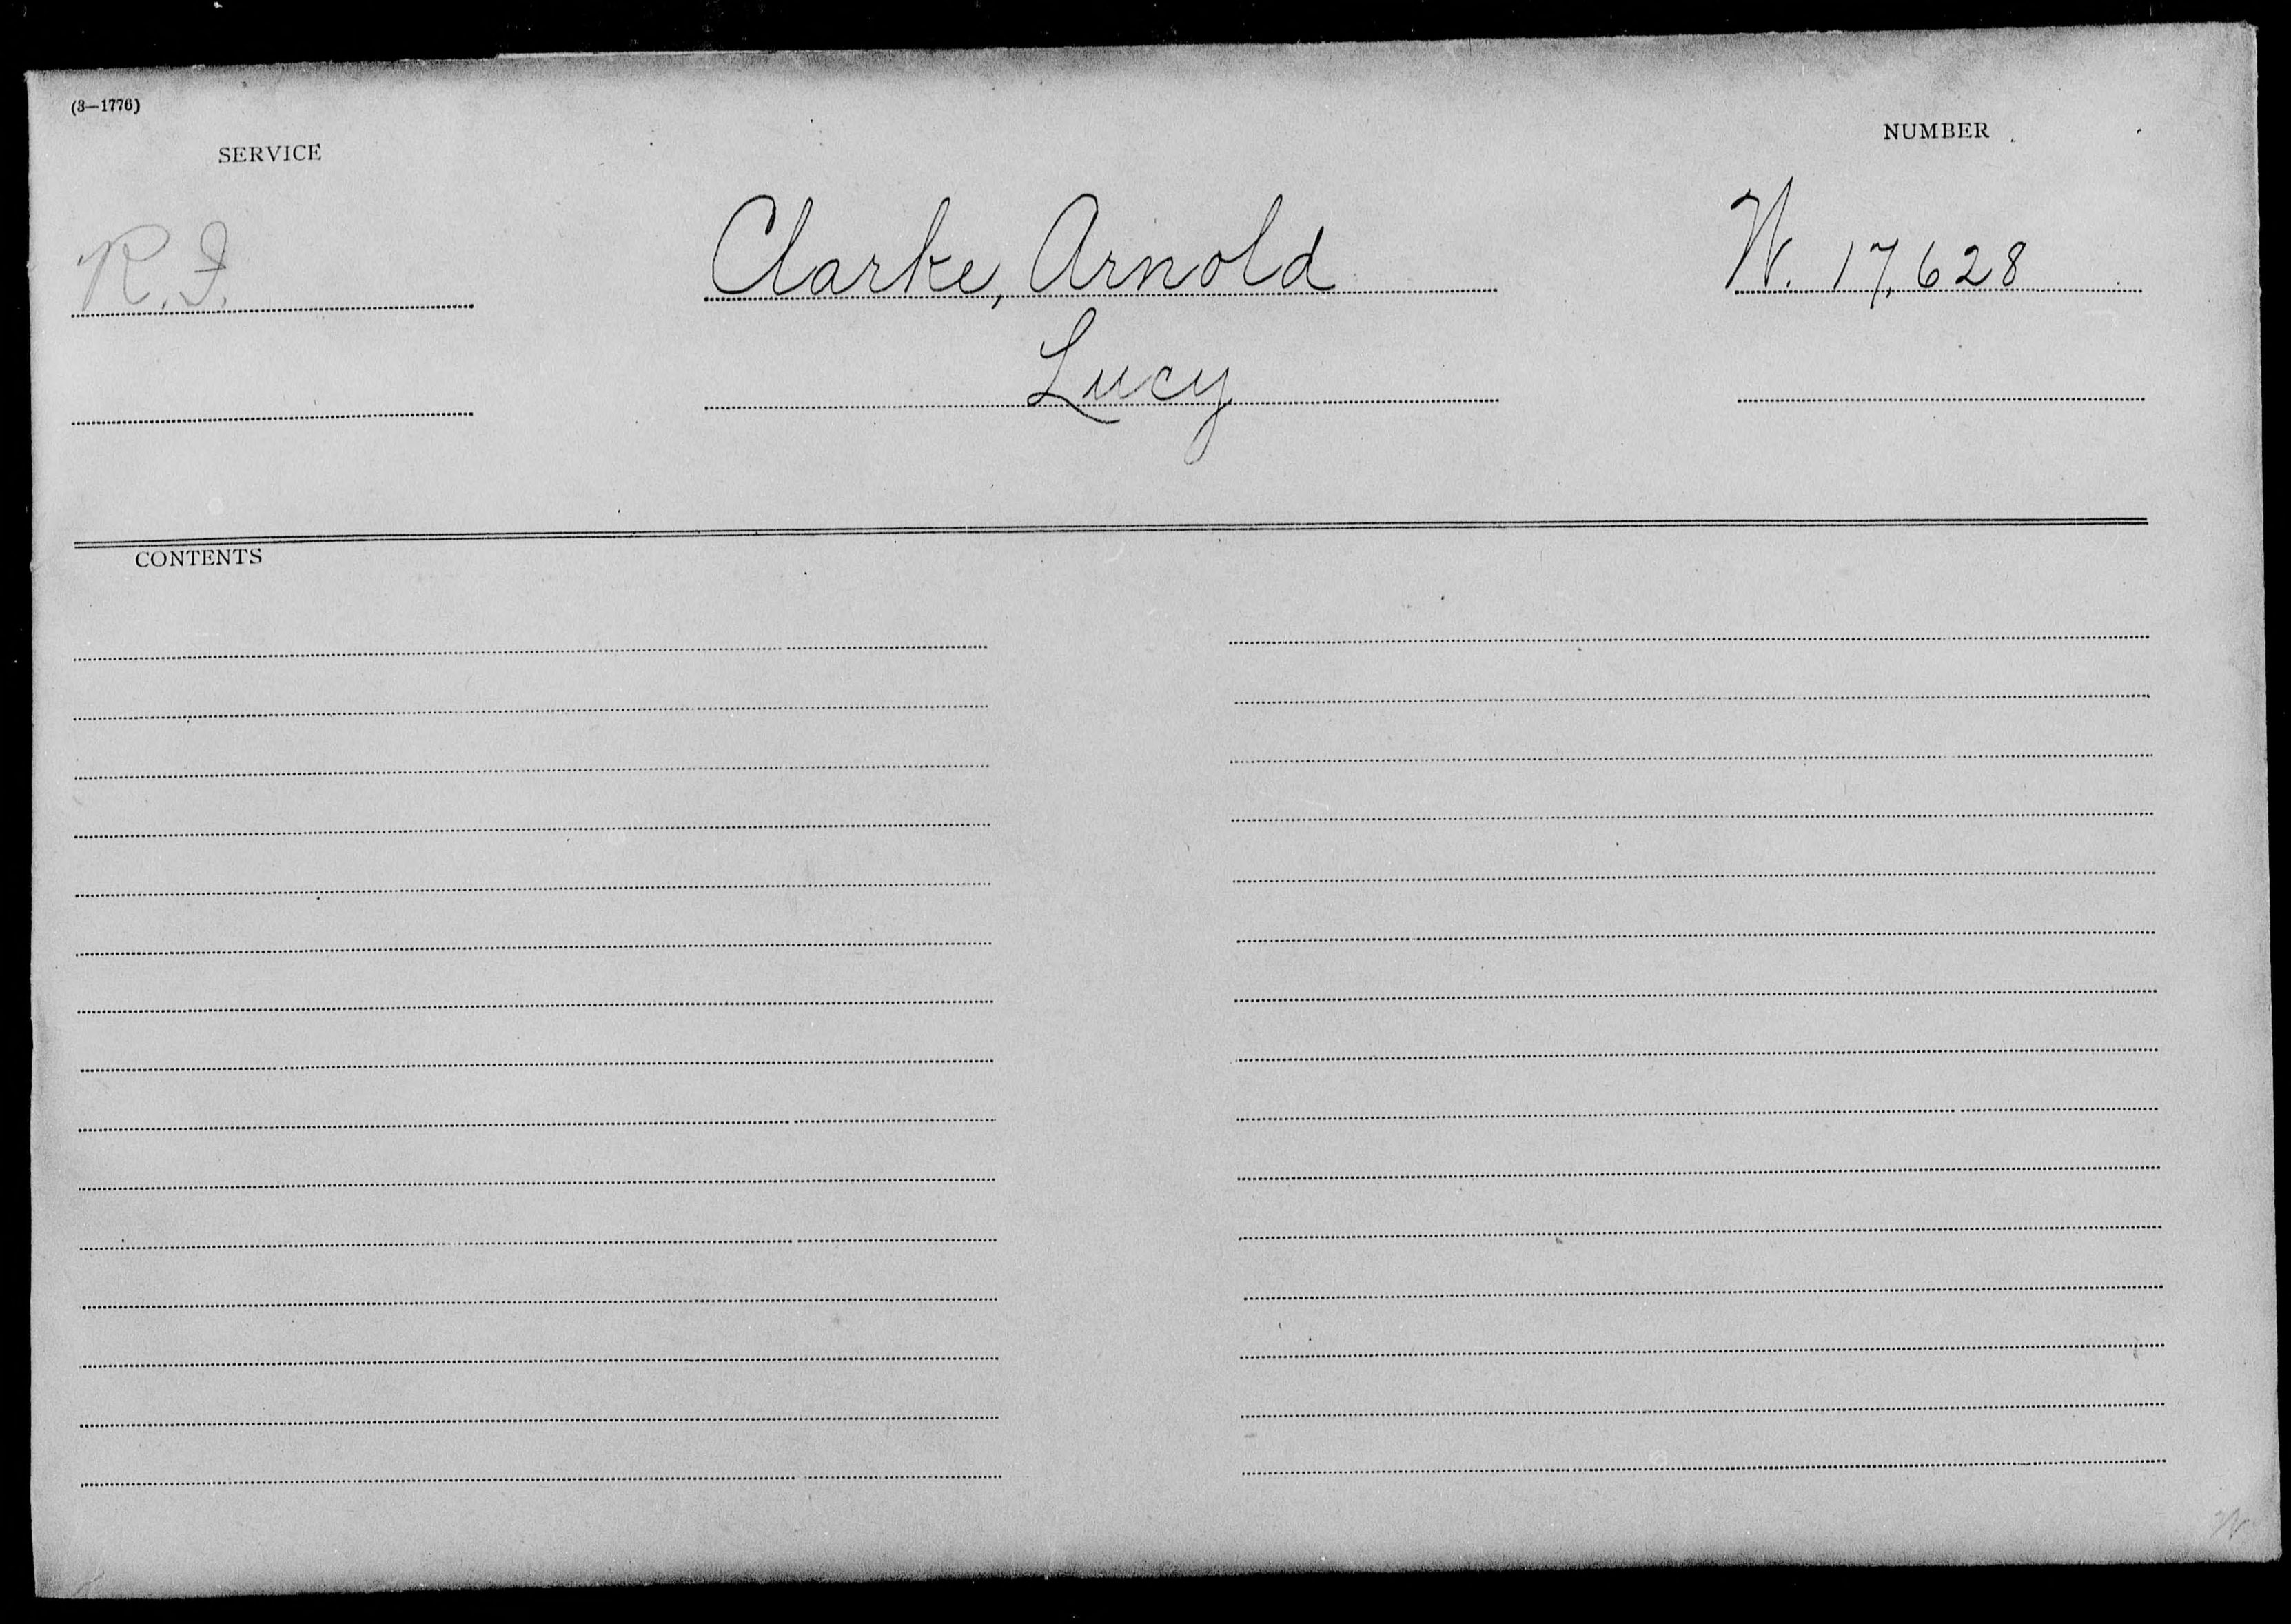(3-1776) SERVICE R.I Clarke, Arnold Lucy Number W. 17.628 Contents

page: 1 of 48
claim: widow's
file: W. 17,628, Arnold Clarke, R.I.